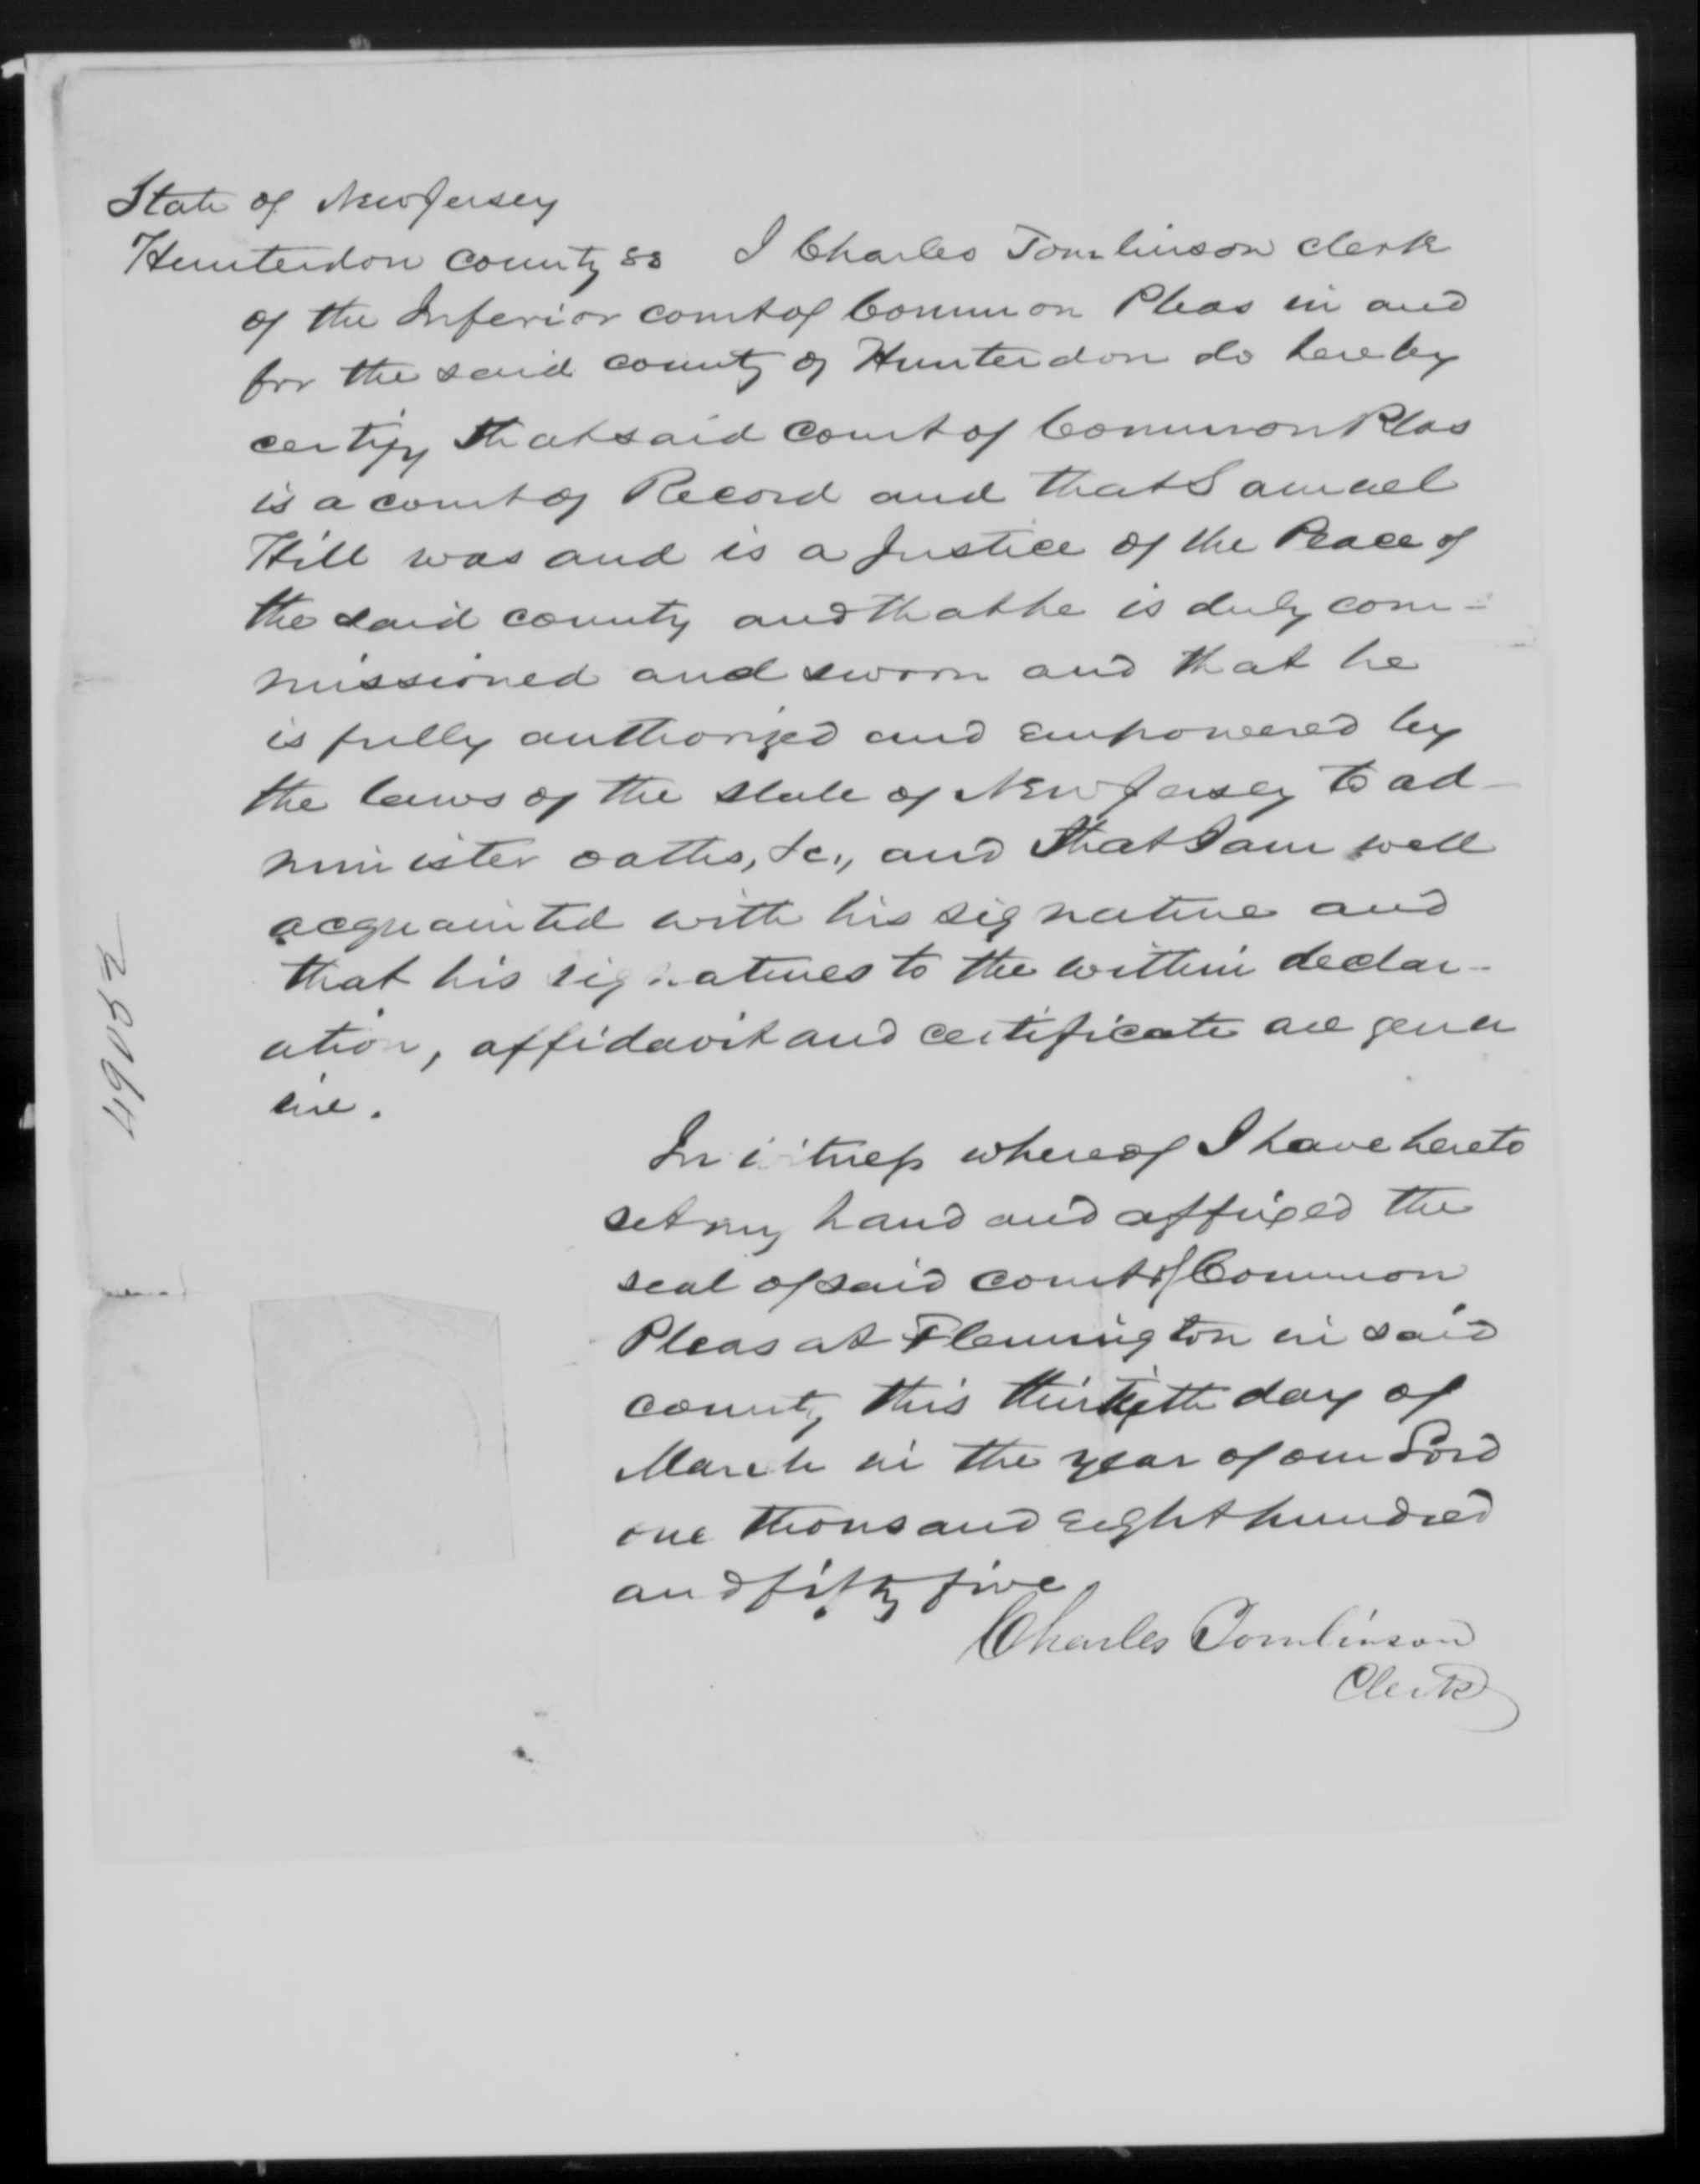State of New Jersey
Hunterdon County//

I, Charles Tomlinson, Clerk of the Inferior Court of Common Pleas in and for the said County of Hunterdon, do hereby certify that said Court of Common Pleas is a Court of Record and that Samuel Hill was and is a Justice of the Peace of the said County and that he is duly commissioned and sworn and that he is fully authorized and empowered by the laws of the State of New Jersey to administer oaths &c. and that I am well acquainted with his signature and that his signatures to the within declaration, affidavit and certificate are genuine.

In witness whereof I have hereto set my Hand and affixed the Seal of said Court of Common Pleas at Flemington in said County this Thirtieth day of March in the year of our Lord One Thousand Eight Hundred and Fifty five.
s/ Charles Tomlinson, Clerk

49062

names: Samuel Hill, Charles Tomlinson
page: 19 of 67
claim: widow's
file: W. 2393, Jacob Williamson, New Jersey